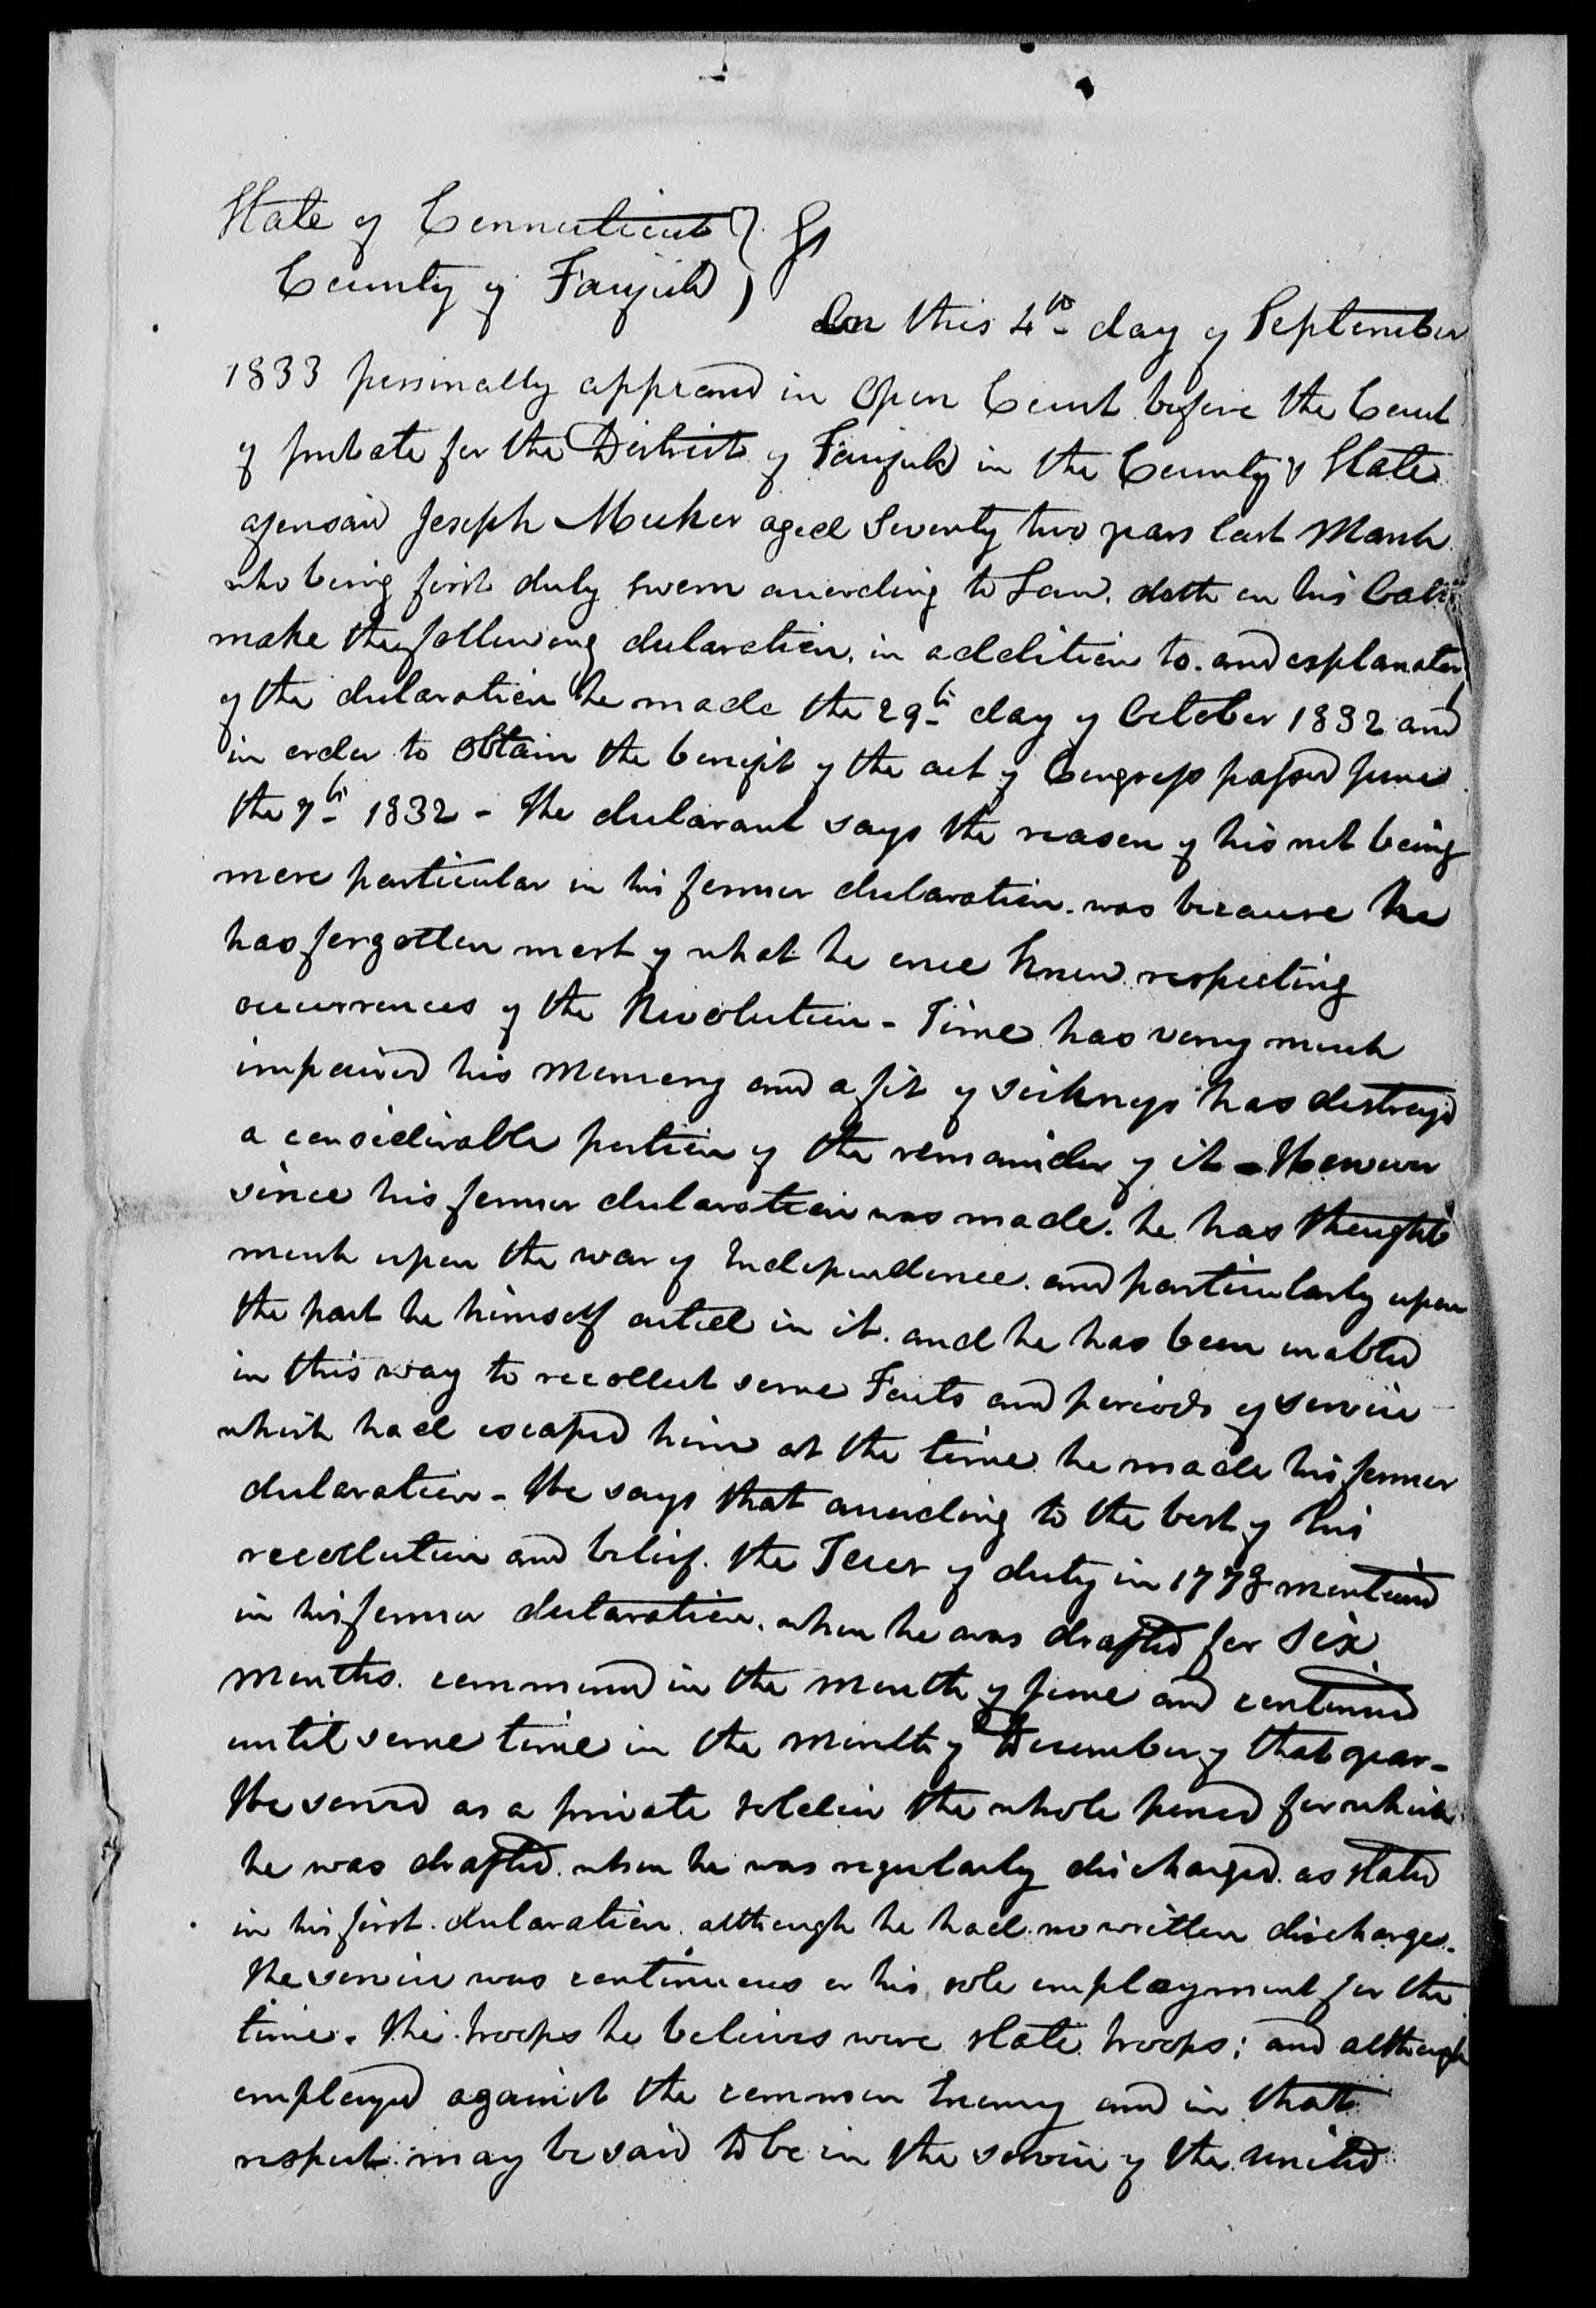State of Connecticut
County of Fairfield} Js
On this 4th day of September 1833 personally  appeared in Open Court before the Court of Probate for the District of Fairfield in the County & State aforesaid Joseph Meeker aged seventy two year last March who being first duly sworn according to Law, doth on his Oath make the following declaration in addition to and explanatory of the declaration he made the 29th day of October 1832 and in order to obtain the benefit of the act of Congress passed Junethe7th 1832 - The declarant says the reason of his not being more particular in his former declaration was because he has forgotten much of what he knew respecting occurrences of the Revolution - Time has very much impaired his memory and a fit of sickness has destroyed a considerable portion of the remainder of it.  However since his former declaration was made, he has thought much upon the war of Independence and particularly upon the part he  himself acted in it and he has been unable in this way to recollect some Facts and periods of service which has escaped him at the time he made his former declaration -  He says that according to the best of his recollection and belief the Term of duty in 1778 mentioned in his former declaration when he was drafted for six months commenced in the month of June and continued some time in the month of December that year - he served as a private believed  the whole period for he was drafted when he was regularly discharged as stated in his first declaration although he has no written discharges.  The Troops he believes were state troops: and although employed against the common enemy and in that respect may be said to be in the service of the United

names: Joseph Meeker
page: 11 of 22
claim: survivor's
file: S. 15,517, for Joseph Meeker, Connecticut